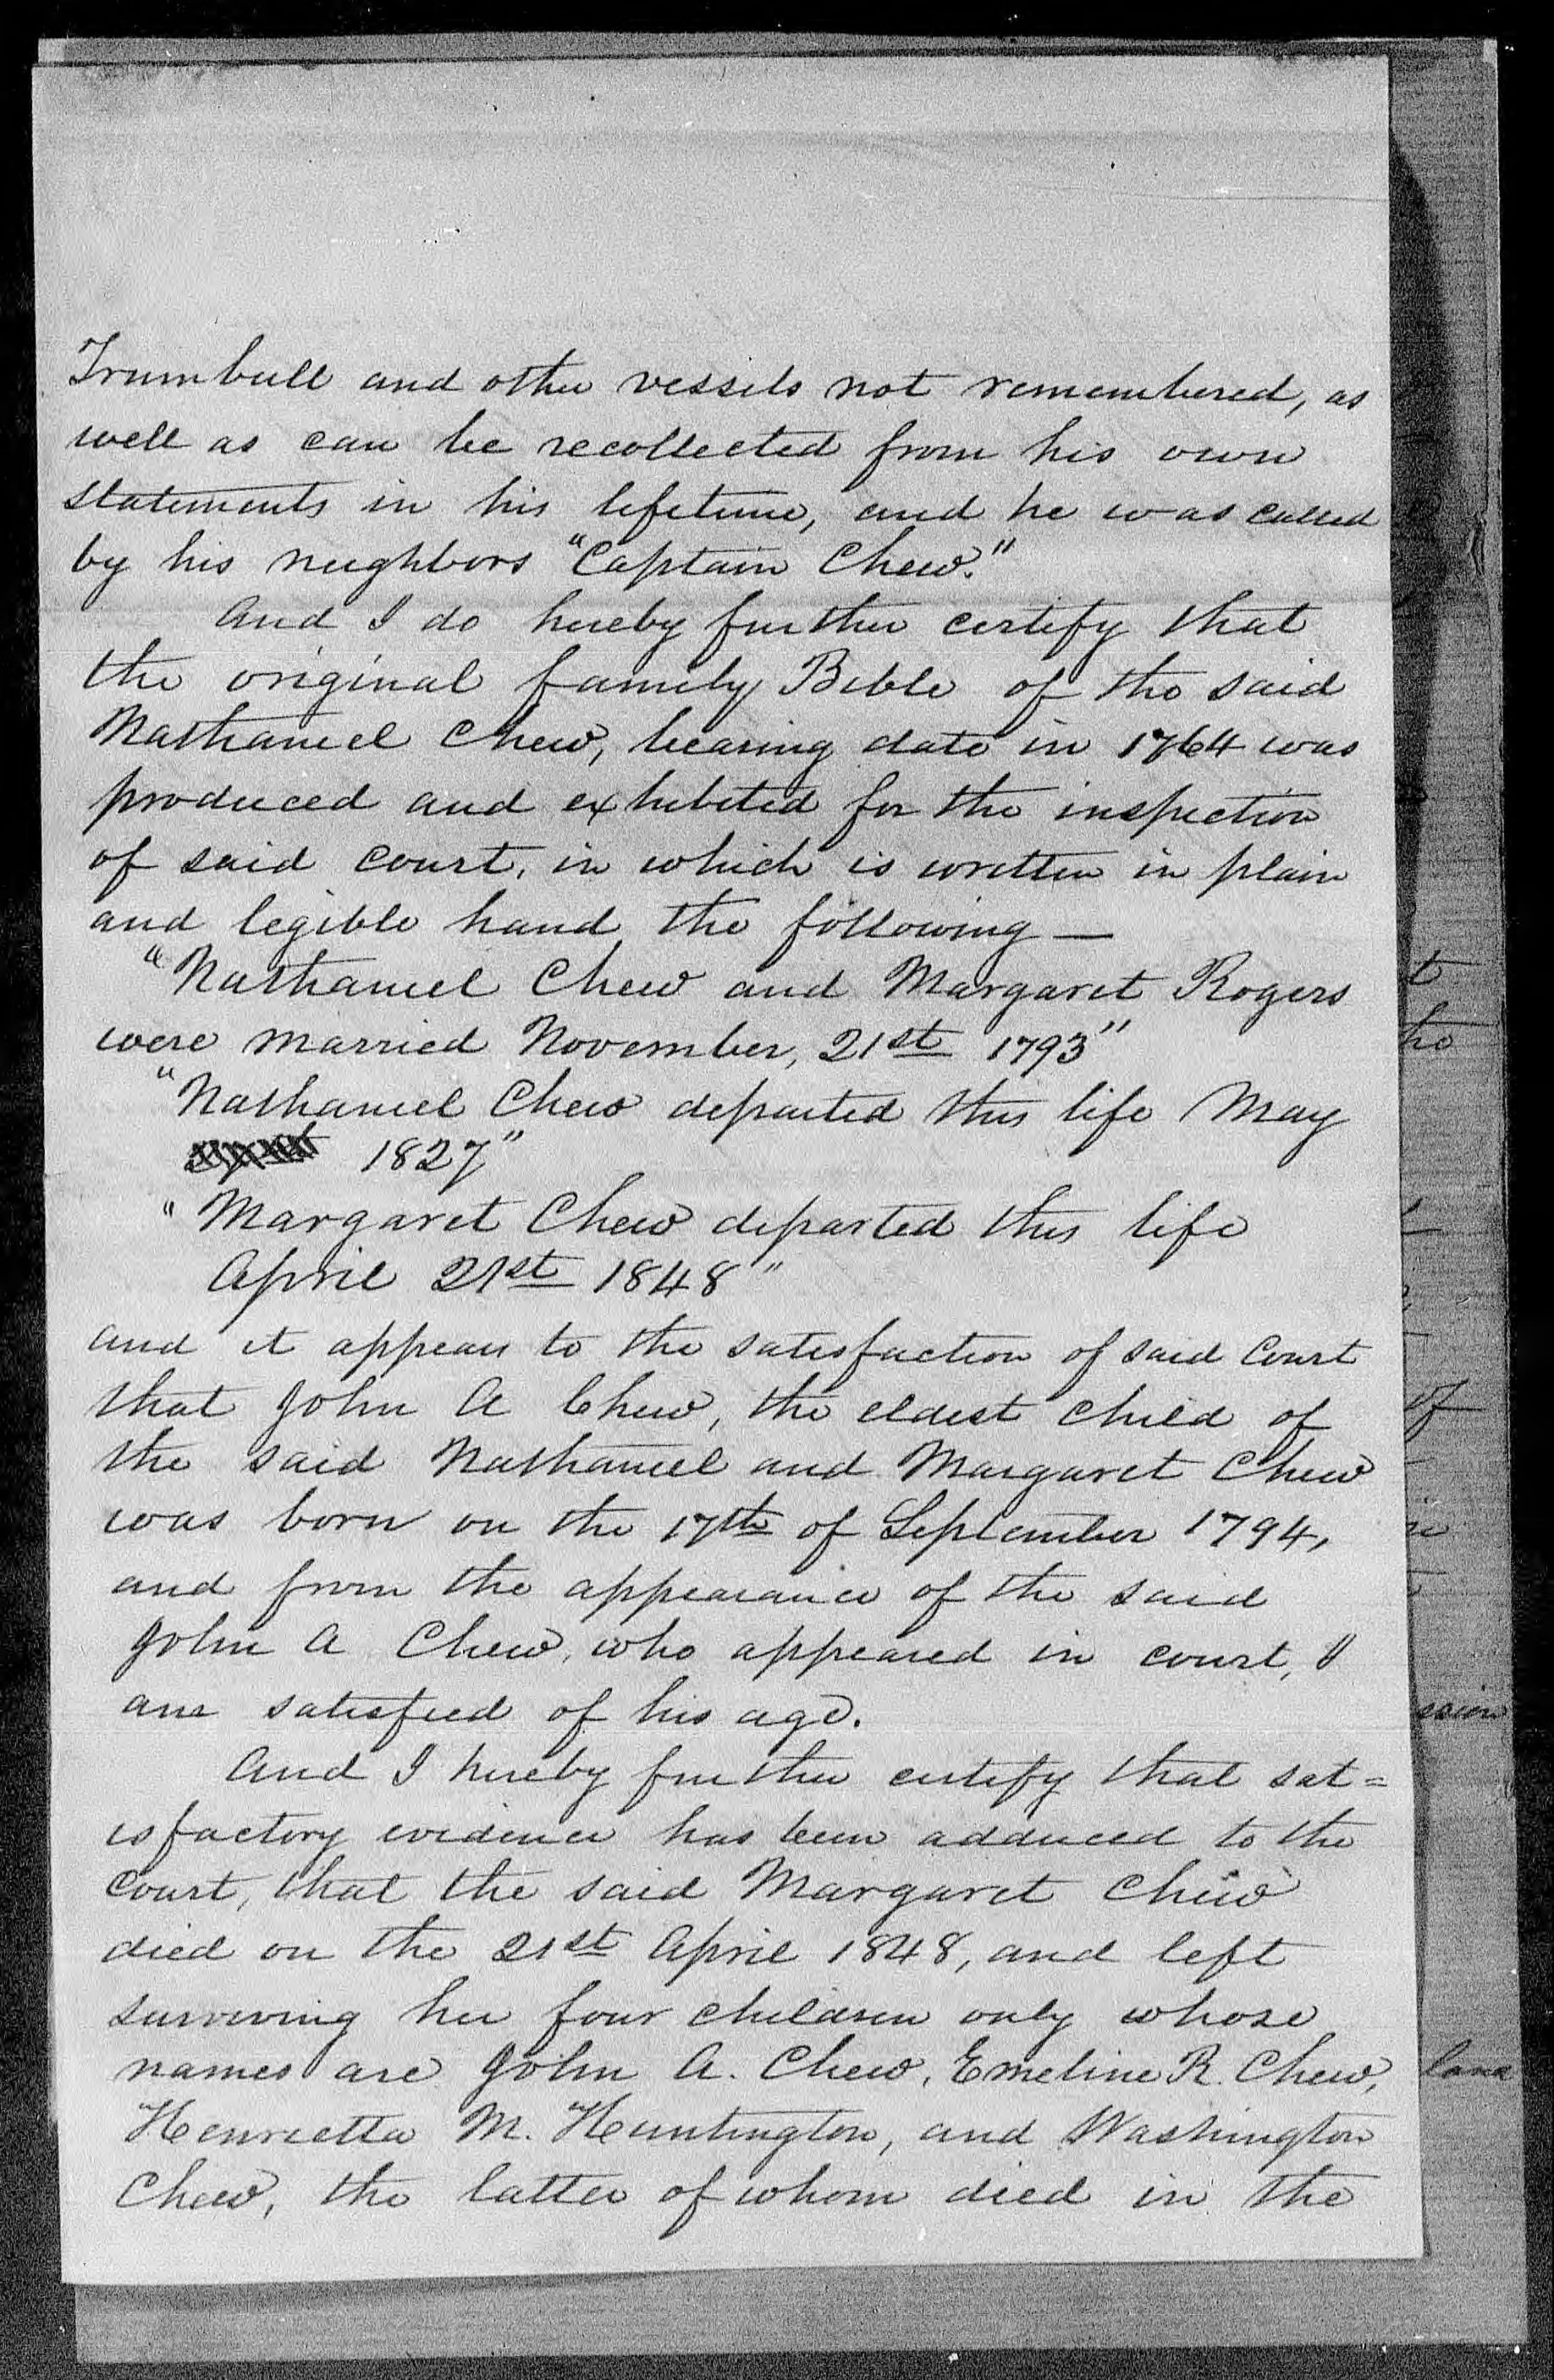Trumbull and other vessels not remembered, as
well as can he recollect from his own
statements in his lifetime, and he was called
by his neighbors "Captain Chew."
And I do hereby further certify that
the original family Bible of the said
Nathaniel Chew, bearing date in 1764 was 
produced and exhibited for the inspection
of said court, in which is written in plain
and legible hand the following -
"Nathaniel Chew and Margaret Rogers
were married November, 21st 1793"
"Nathaniel Chew departed this life May
[crossed out: 27th] 1827"
"Margaret Chew departed this life
April 21st 1848"
and it appears to the satisfaction of said court
that John A Chew, the oldest child of
the said Nathaniel and Margaret Chew
was born on the 17th of September 1794,
and fromthe appearances of the said
John A Chew, who appeared in court, I
am satisfied of his age.
And I hereby further certify that Sat=
isfactory evidence has been adduced to the
court, that the said Margaret Chew 
died on the 21st April 1848, and left
Surviving her four children only whose
names are John A. Chew, Emeline R. Chew,
Henrietta M Huntington, and Washington
Chew, the latter of whom died in the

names: Chew, Margaret Chew, Nathaniel Chew, Nathaniel Chew, Nathaniel Chew, John A Chew, Emeline R Chew, Margaret Chew, John A Chew, Washington Chew, Henrietta M Huntington, Margaret Rogers, Margaret Chew, Trumbull, Nathaniel, John A Chew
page: 12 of 59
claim: widow's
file: W. 9383, Nathaniel Chew, Navy (Md.)